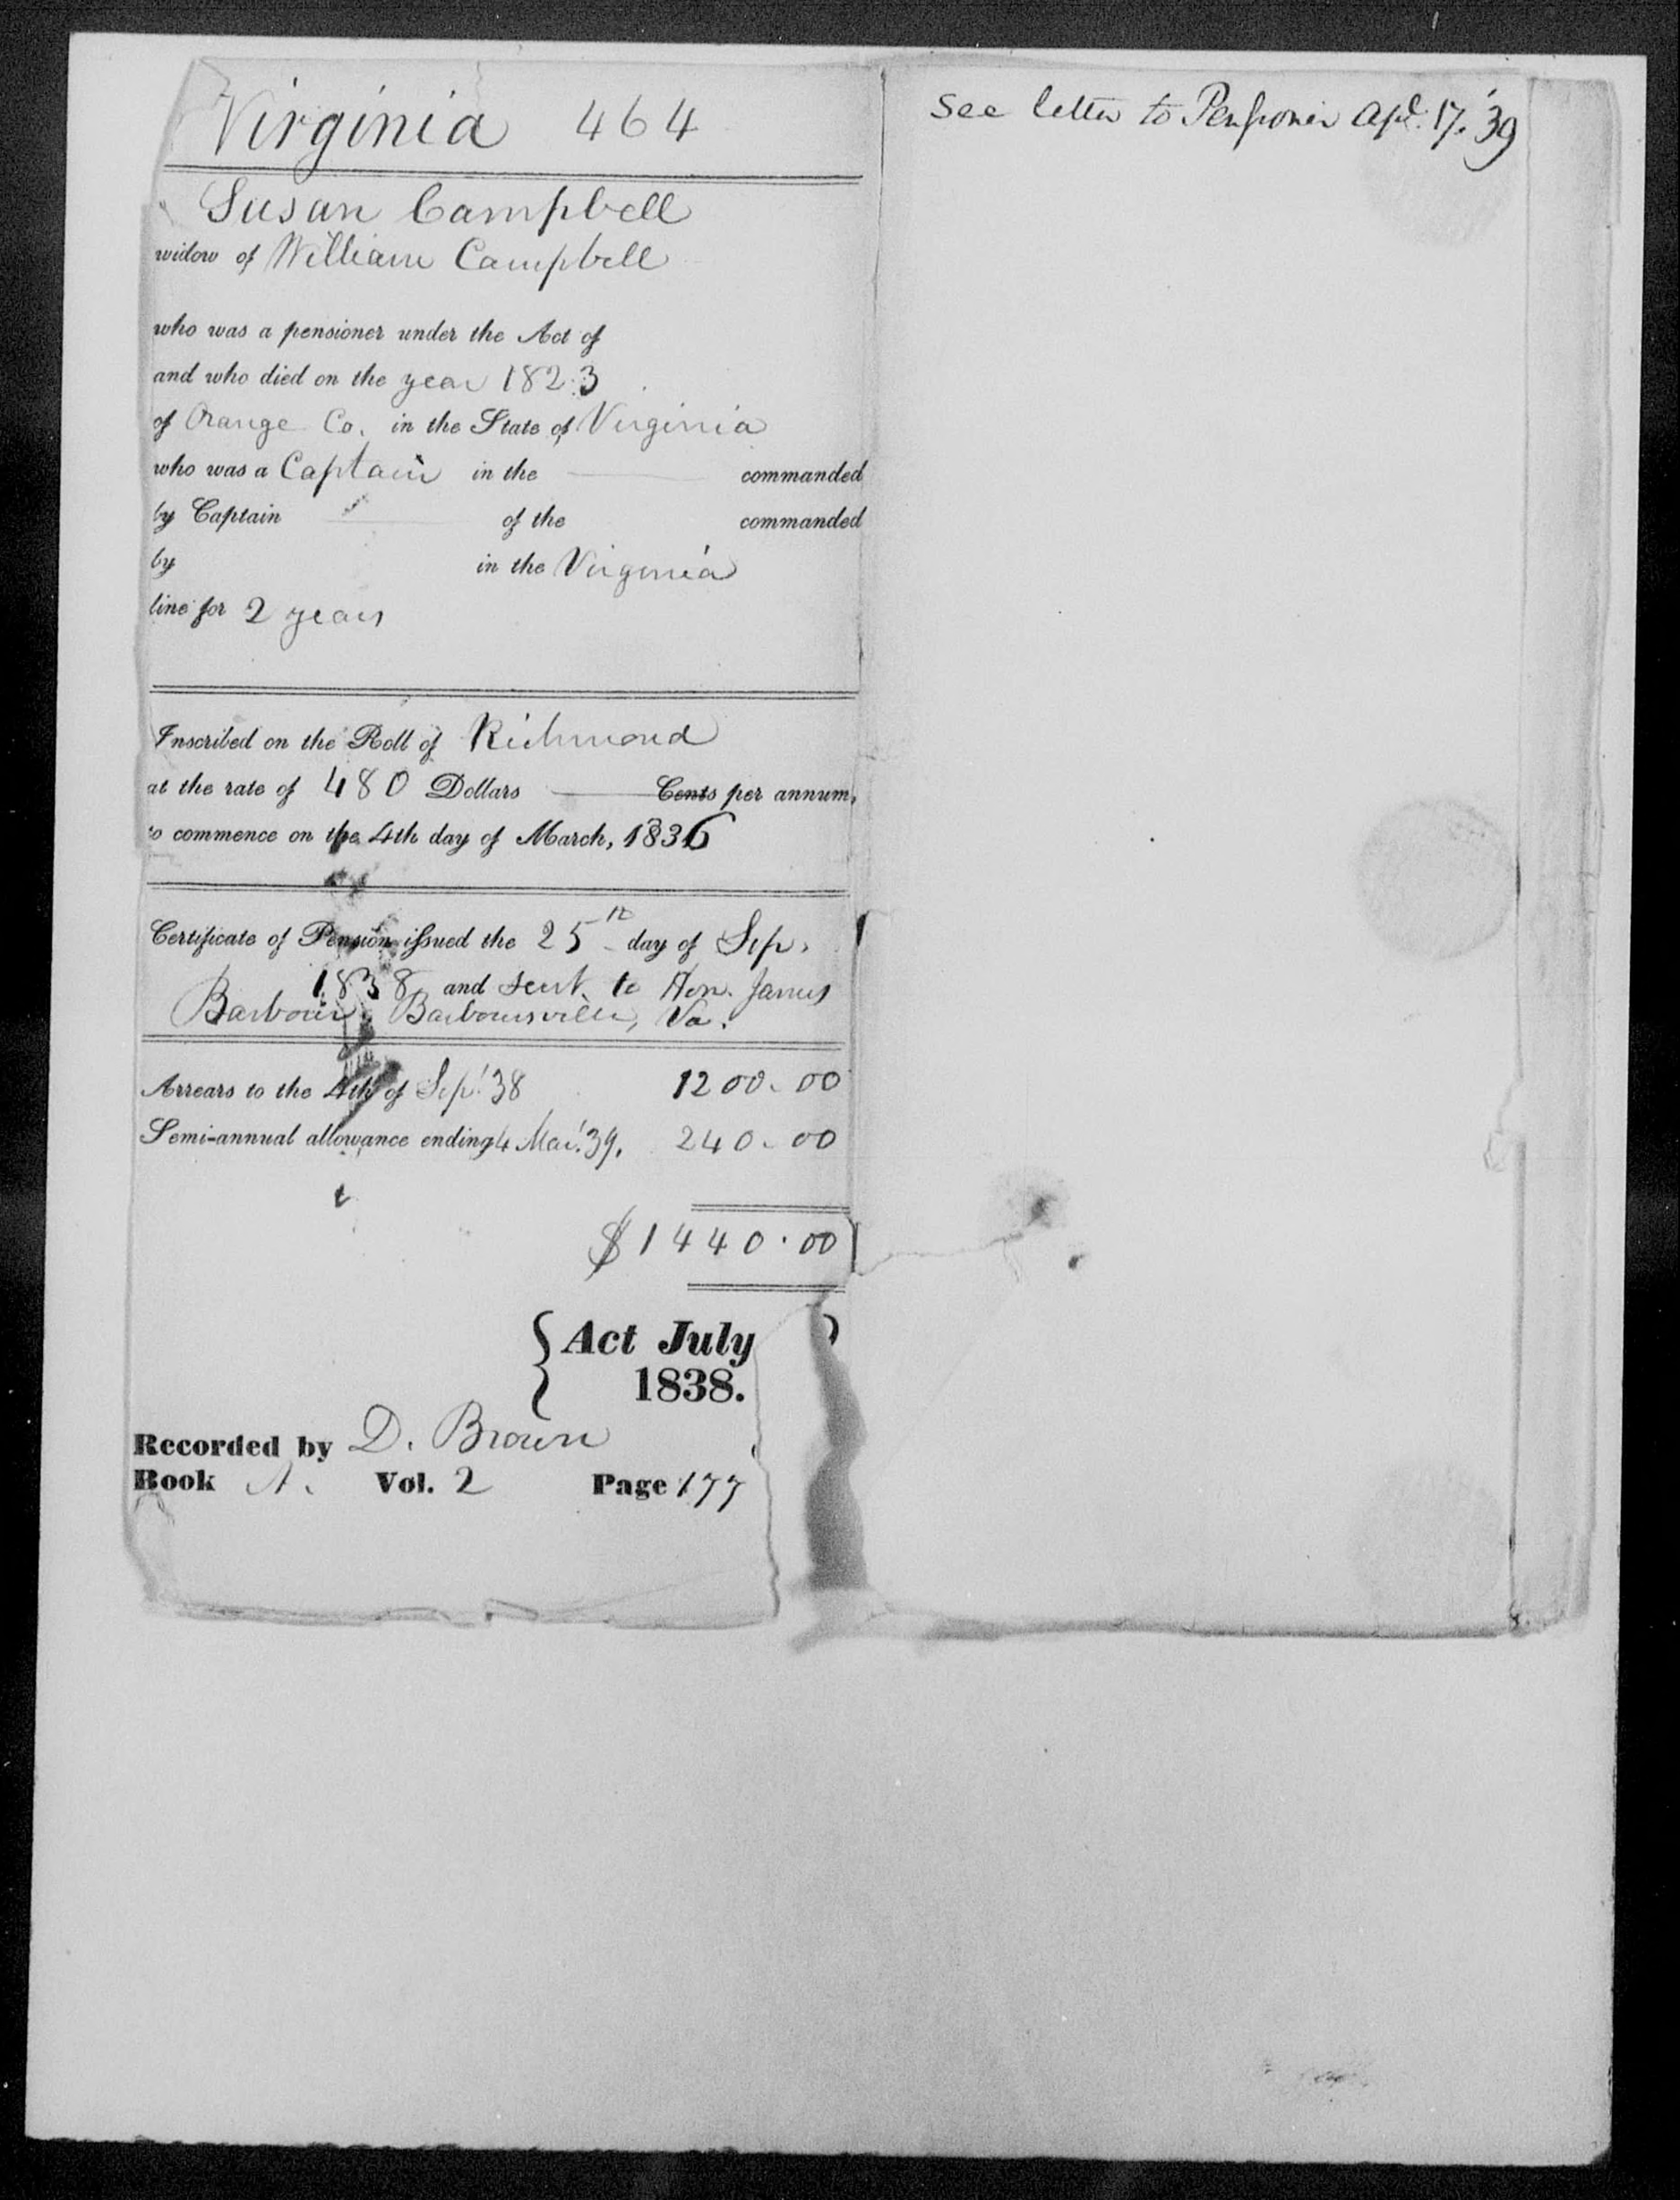[on left half of page]
Virginia   464
[double horizontal lies across left half page]

Susan Campbell
widow of William Campbell
who was a pensioner under the Act of
and who died on the year 1823
of Orange Co. in the State of Virginia
who was a Captain in the  ---------- commanded by Captain ---------- of the ---------- commanded by                in the Virginia 
line for 2 years
[double horizontal lines across left half page]

Inscribed on the Roll of Richmond
at the rate of 480. Dollars. ----------  Cents per annum to commence on the 4th day of March, 1836
[double horizontal lines across left half page]

Certificate of Pension issued the 25th day of Sep. 1838 and sent to Hon. James Barbour, Barboursville, Va.
[double horizontal lines across left half page]

Arrears to the 4th day of Sep, '38.      1200.00
Semi-annual allowance ending 4 Mar.'30. 240.00
[Total] $1440.00

Act July 1838.

Recorded by D. Brown
Book  A.    Vol. 2.       Page 177

[on right side of page at top]
See letter to Pensioner Apl. 17. '39

[round impression on right side of right half of page looks like a seal but no writing is legible inside it] 
[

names: William Campbell, Susan Campbell, James Barbour, D Brown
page: 56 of 267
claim: widow's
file: W. 4,149, William Campbell, Va.